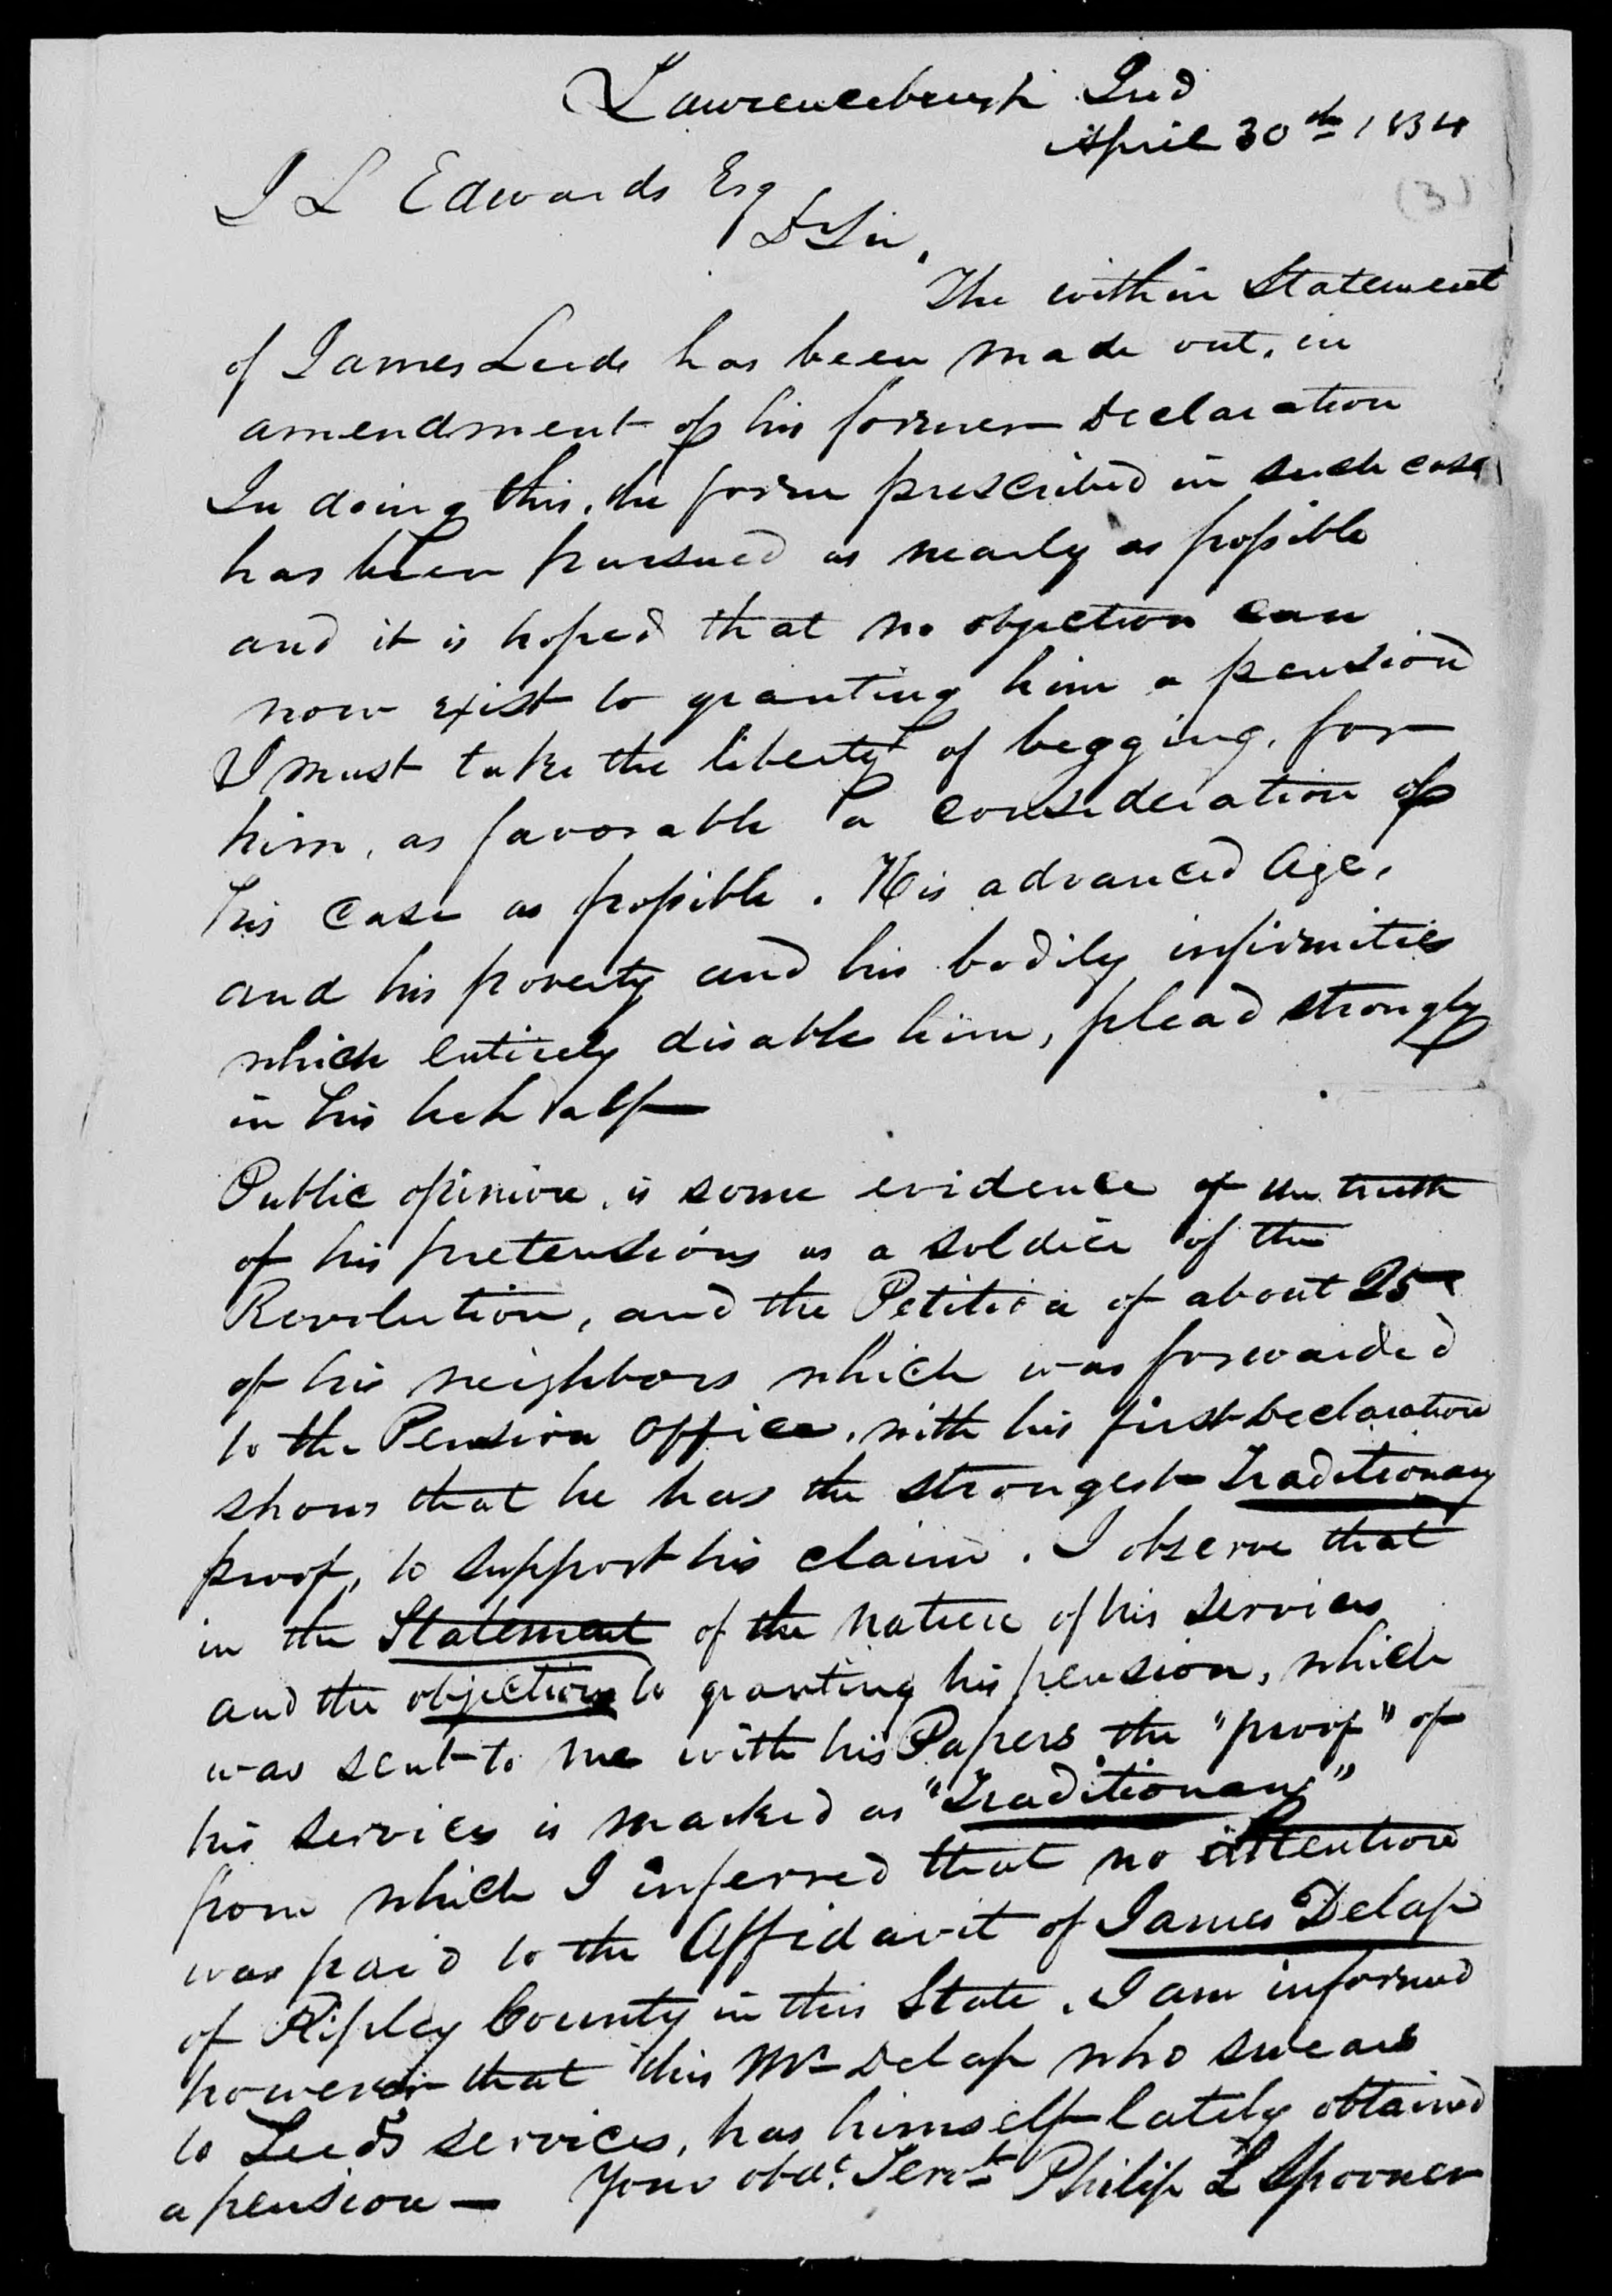Lawrenceburgh Ind
April 30th 1834

(3)

J L Edwards Esq 
D Sir,

The within statement of James Leeds has been made out, inn amendment of his forever Declaration In doing this, the person prescribed in such case has been pursued as nearly as possible and it is hoped that no objection can now exist to granting him a pension I must take the liberty of begging for him, as favorable Pa consideration of this case as possible. His advanced age, and his poverty and his bodily infirmities which entirely disable him, plead strongly in his [illegible]

Public opinion is some evidence of the truth of his pretensions as a soldier of the Revolution, and the Petition of about 25 of his neighbors which was forwarded to the Pension office, with his first Declaration shows that he has the strongest Traditionary proof, to support his claim. I observe that in the statement of the notice of his services and the objection to granting his pension, which was sent to me with his Papers the "proof" of his services is marked as "Traditionary" from which I inferred that no attention was said to the Affidavit of James Delap of Ripley County in this State. I am informed however that this [illegible] Delap who swears to Leeds services, has himself lately obtained a pension Your obt Servt Philip L Spooner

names: J L Edwards; Philip L Spooner; James Delap; James Leeds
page: 36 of 38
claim: survivor's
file: S 31817, for James Leeds, New Jersey